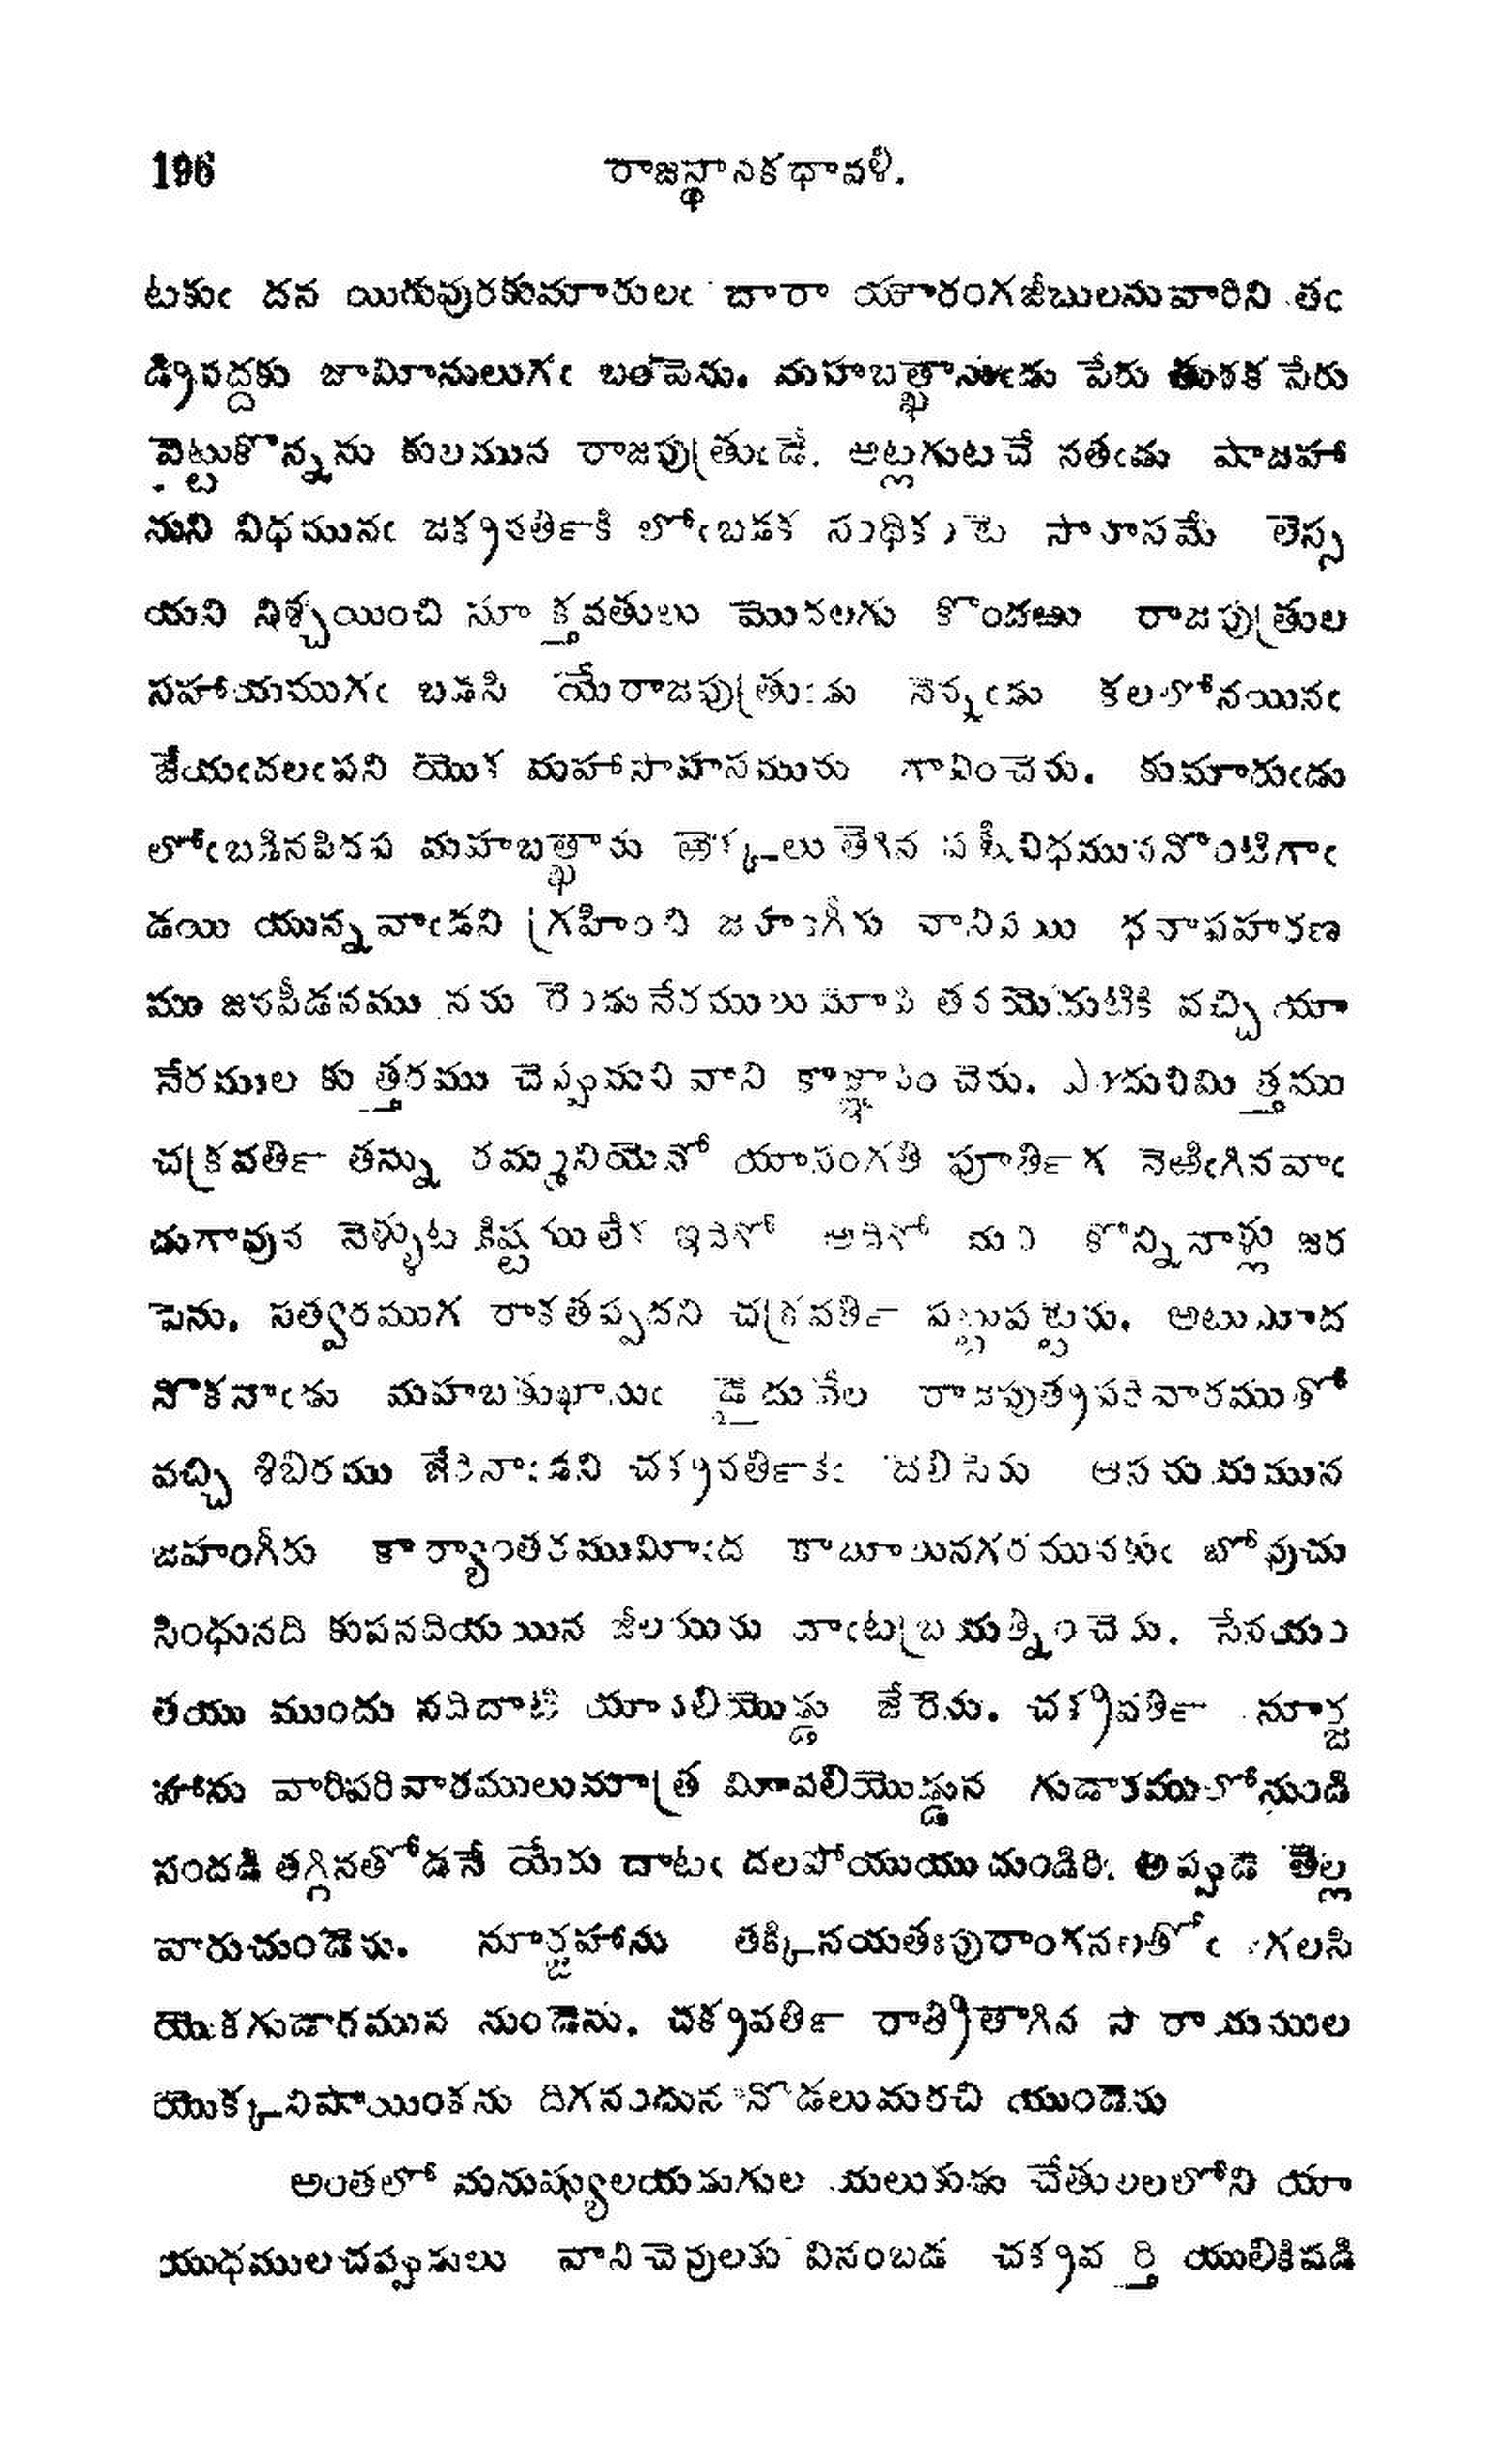టకుఁ దన యిరువురకుమారులఁ దారా యౌరంగజీబులను వారిని తండ్రి వద్దకు జామీనులుగఁ బంపెను. మహబత్థానుఁడు పేరు తురక పేరు పెట్టుకొన్నను కులమున రాజపుత్రుఁడే. అట్లగుటచే నతఁడు షాజహానుని విధమునఁ జక్రవతి౯కి లోఁబడక సంధికంటె సాహసమే లెస్స
యని నిశ్చయించి సూక్తవతులు మొదలగు కొండఱు రాజపుత్రుల సహాయముగఁ బడసి 'యే రాజపుత్రుఁడు నేన్నఁడు కలలోనయినఁ
జేయఁదలఁపని యొక మహా సాహసమును గావించెను. కుమారుఁడు లోఁబడిన పిదప మహబత్ఖాను ఱెక్కలు తెగిన పక్షి విధమున నొంటిగాఁ
డయి యున్న వాఁడని గ్రహించి జహంగీరు వానిపయి ధనాపహరణము జనపీడనము నను రెండు నేరములు మోపి తన యెదుటికి వచ్చి యా
నేరముల కుత్తరము చెప్పుమని వాని కాజ్జాపించెను. ఎందునిమిత్తము చక్రవతి౯ తన్ను రమ్మనియెనో యాసంగతి పూతి౯గ నెఱిఁగినవాఁ
డుగావున వెళ్ళుట కిష్టము లేక ఇదిగో అదిగో యని కొన్ని నాళ్లు జరపెను. సత్వరముగ రాక తప్పదని చక్రవతి౯ పట్టుపట్టెను. అటుమీద
నోకనాఁడు మహబతుఖానుఁ డైదువేల రాజపుత్ర పరివారముతో వచ్చి శిబిరము జేరినాఁడని చక్రవతి౯కిఁ దెలిసెను. ఆసమయమున
జహంగీరు కార్యాంతరముమీఁద కాబూలు నగరమునకుఁ బోవుచు సింధునది కుపనదియయిన జీలమును దాఁట బ్రయత్నించెను. సేనయం
తయు ముందు నదిదాటి యావలి యొడ్డు జేరెను. చక్రవతి౯ నూర్జహాను వారిపరి వారములు మాత్ర మీవలియొడ్డున గుడారములోనుండి
సందడి తగ్గినతోడనే యేరు దాటఁ దలపోయుయు చుండిరి. అప్పుడే తెల్లవారుచుండెను. నూర్జహాను తక్కినయతః పురాంగనలతోఁ గలసి
యొక గుడారమున నుండెను, చక్రవతి౯ రాత్రి తాగిన సారాయముల యొక్క నిషాయింకను దిగనందున నొడలు మరచి యుండెను.

అంతలో మనుష్యులయడుగుల యలుకుడు చేతులలలోని యా యుధముల చప్పుడులు వాని చెవులకు వినంబడ చక్రవర్తి యులికిపడి